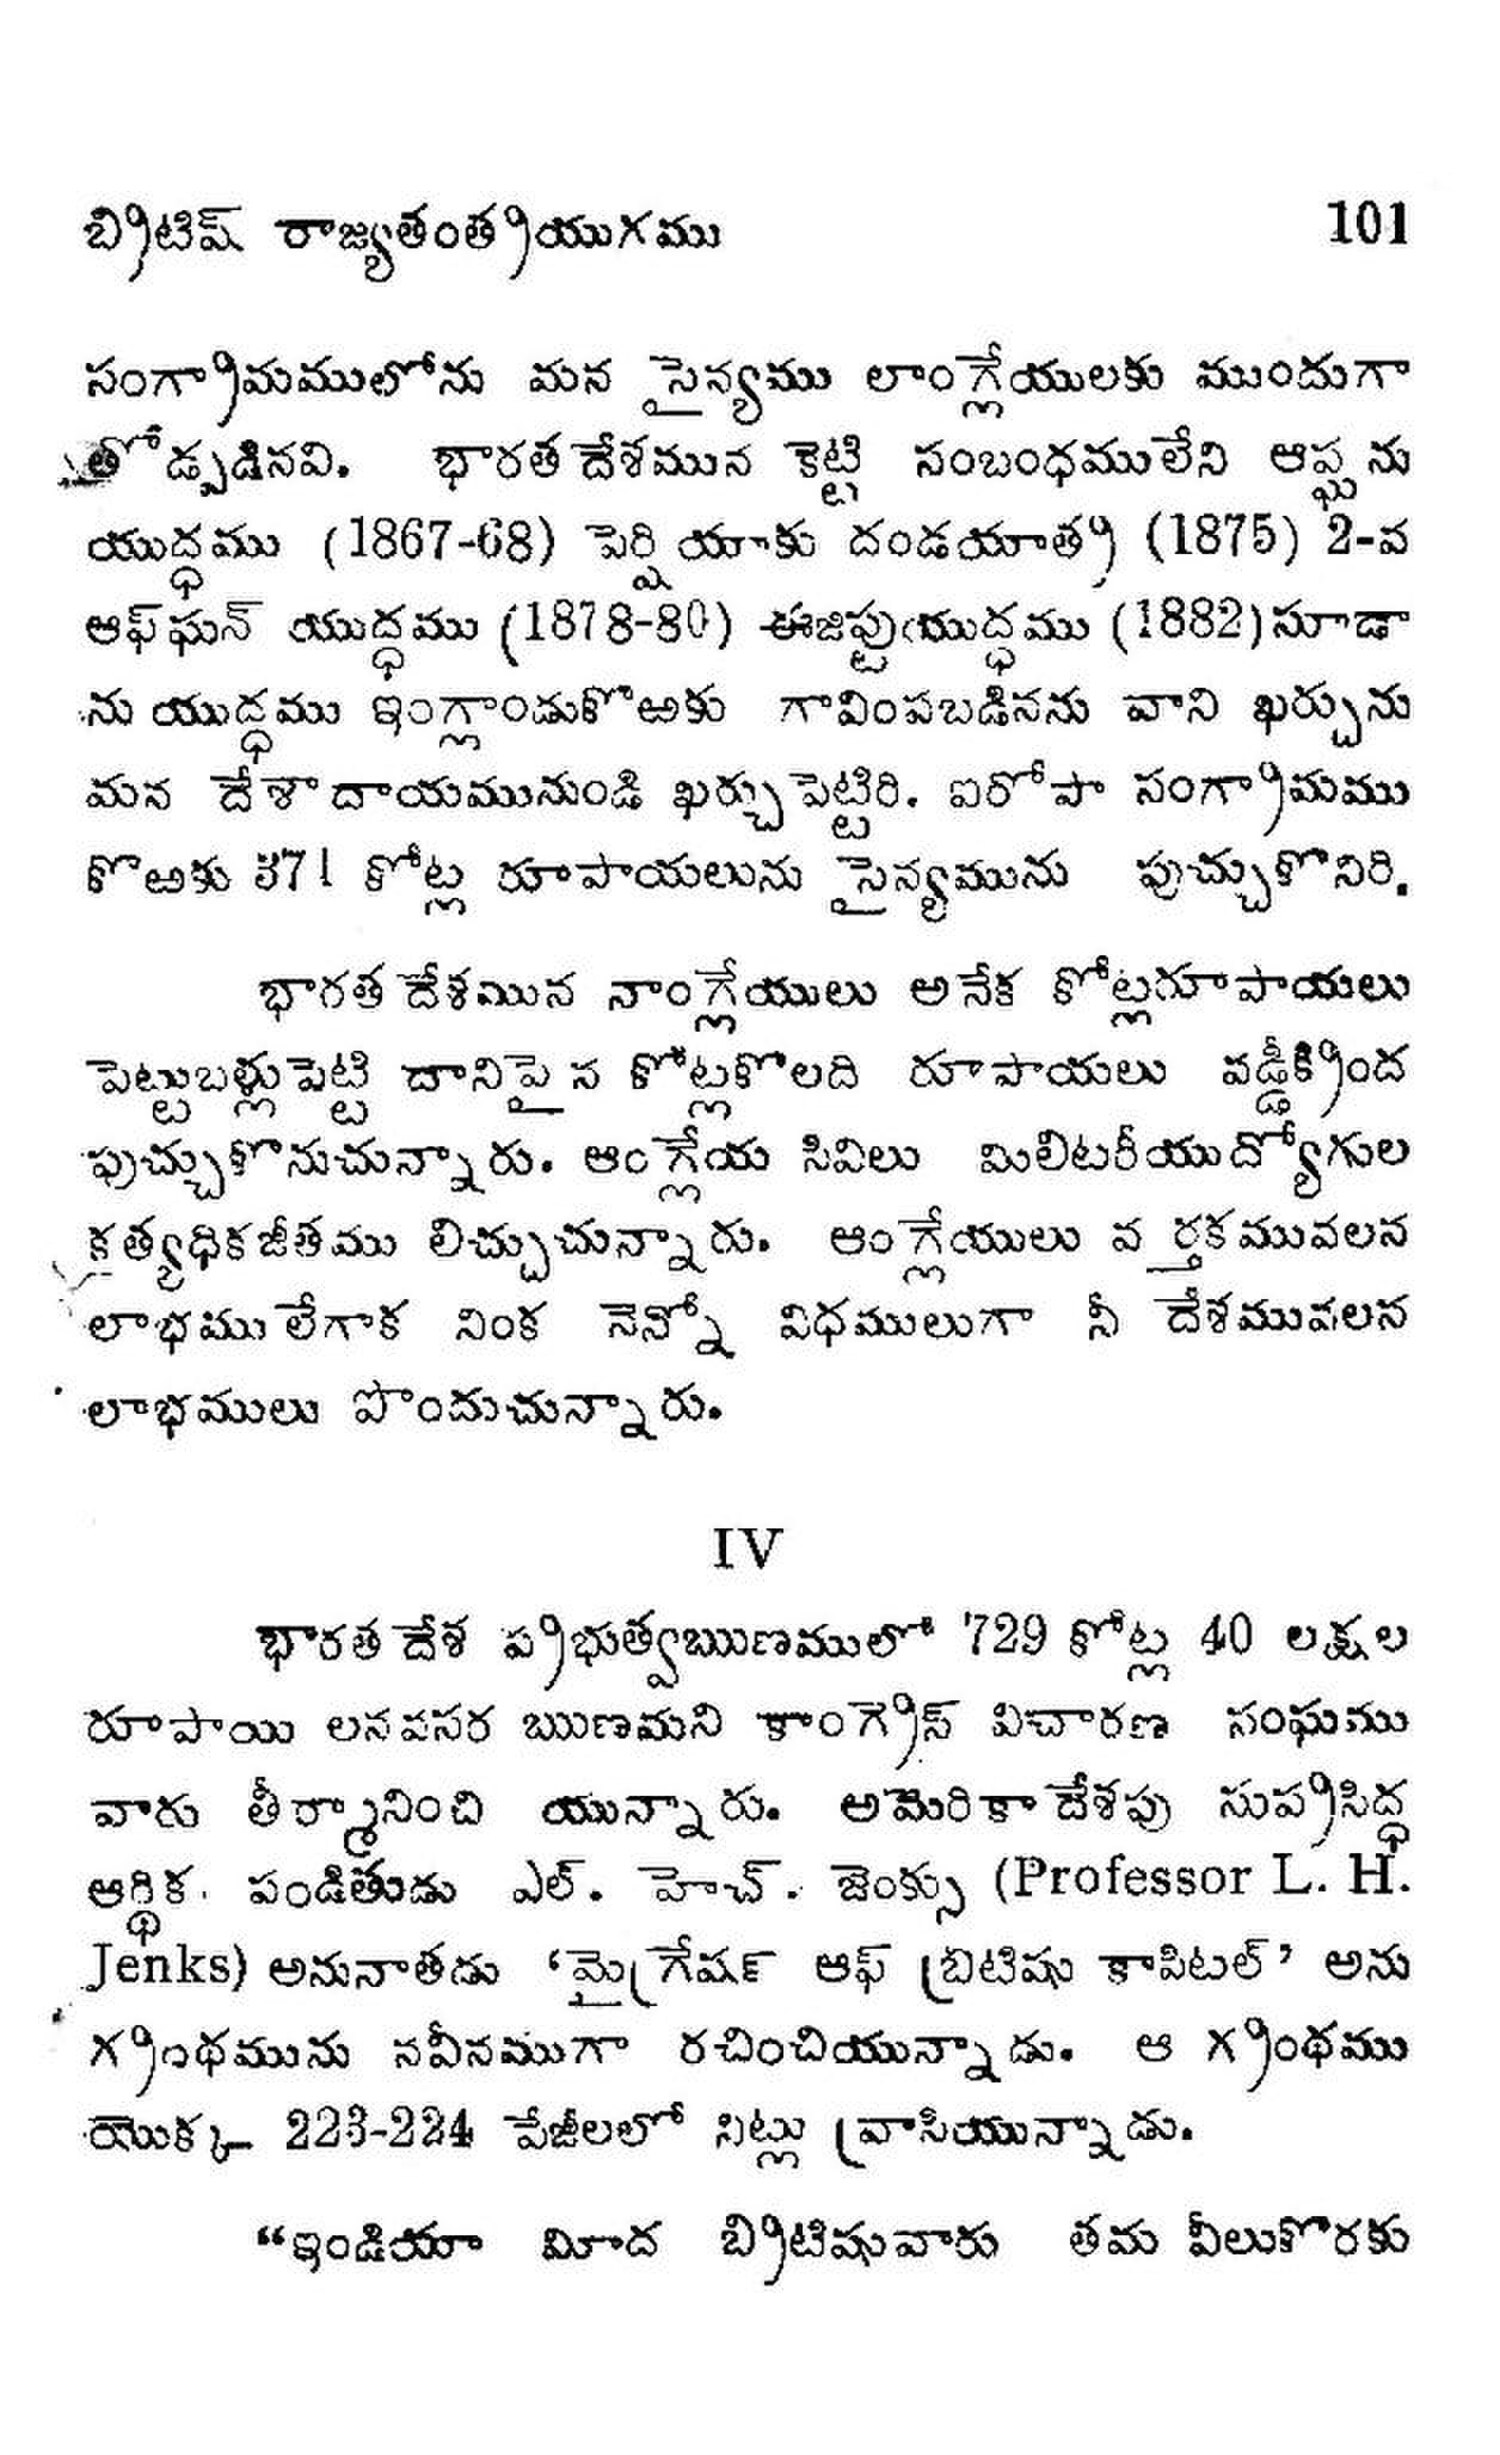సంగ్రామములోను మన సైన్యము లాంగ్లేయులకు ముందుగా తోడ్పడినవి. భారతదేశమున కెట్టి సంబంధములేని ఆప్ఘను యుద్దము (1867-68) పెర్షియాకు దండయాత్ర (1875) 2 వ ఆఫ్‌ఘన్ యుద్దము (1878–80) ఈజిప్టుయుద్దము (1882) సూడాను యుద్ధము ఇంగ్లాండుకొఱకు గావింపబడినను వాని ఖర్చును మన దేశాదాయమునుండి ఖర్చుపెట్టిరి. ఐరోపా సంగ్రామము కొఱకు 371 కోట్ల రూపాయలును సైన్యమును పుచ్చుకొనిరి.

భారతదేశమున నాంగ్లేయులు అనేక కోట్లరూపాయలు పెట్టుబళ్లు పెట్టి దానిపైన కోట్లకొలది రూపాయలు వడ్డీక్రింద పుచ్చుకొనుచున్నారు. ఆంగ్లేయ సివిలు మిలిటరీయుద్యోగుల కత్యధికజీతము లిచ్చుచున్నారు. ఆంగ్లేయులు వర్తకమువలన లాభములేగాక నింక నెన్నో విధములుగా నీ దేశమువలన లాభములు పొందుచున్నారు.

IV

భారతదేశ ప్రభుత్వఋణములో 729 కోట్ల 40 లక్షల రూపాయి లనవసర ఋణమని కాంగ్రెస్ విచారణ సంఘమువారు తీర్మానించి యున్నారు. అమెరికాదేశపు సుప్రసిద్ధ ఆర్థిక పండితుడు ఎల్. హెచ్. జెంక్సు (Professor L. H. Jenks) అనునాతడు 'మైగ్రేష౯ ఆఫ్ బ్రిటిషు కాపిటల్‌' అను గ్రంథమును నవీనముగా రచించియున్నాడు. ఆ గ్రంథముయొక్క 223-224 పేజీలలో నిట్లు వ్రాసియున్నాడు.

“ఇండియా మీద బ్రిటిషువారు తమ వీలుకొరకు